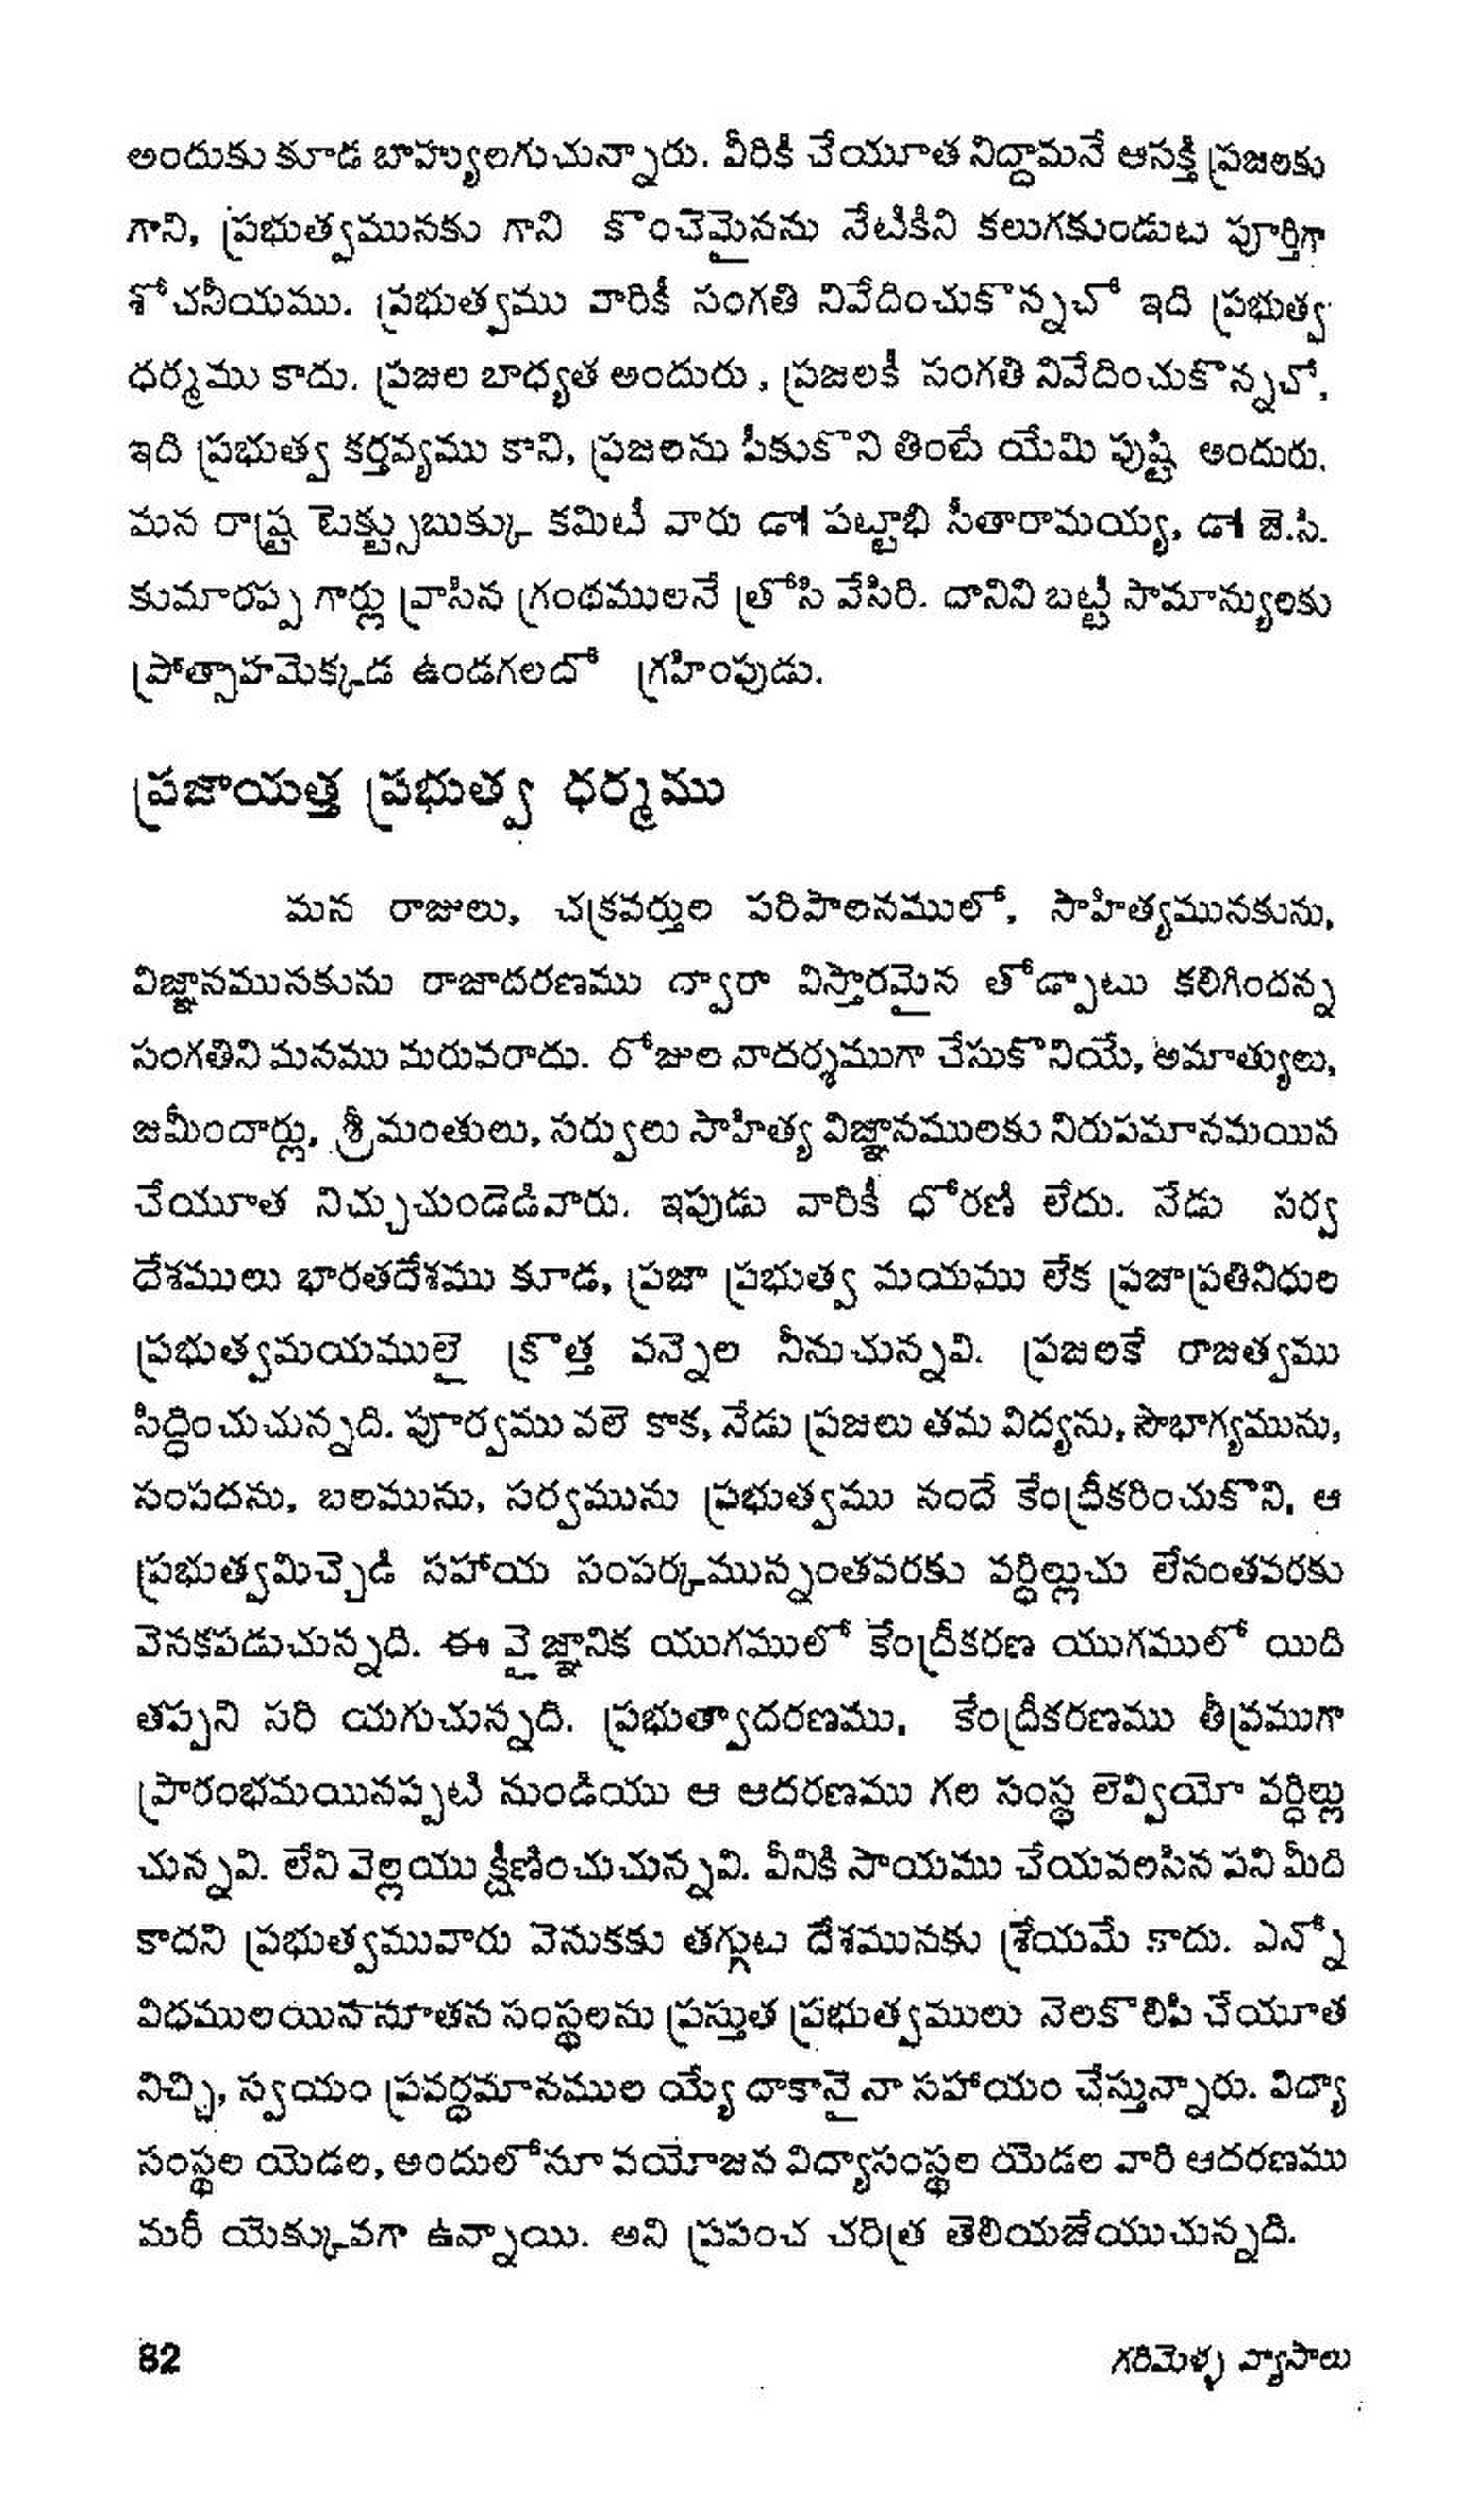అందుకు కూడ బాహ్యులగుచున్నారు. వీరికి చేయూత నిద్దామనే ఆసక్తి ప్రజలకుగాని, ప్రభుత్వమునకు గాని కొంచెమైనను నేటికిని కలుగకుండుట పూర్తిగా శోచనీయము. ప్రభుత్వము వారికీ సంగతి నివేదించుకొన్నచో ఇది ప్రభుత్వధర్మము కాదు. ప్రజల బాధ్యత అందురు. ప్రజలకీ సంగతి నివేదించుకొన్నచో, ఇది ప్రభుత్వ కర్తవ్యము కాని, ప్రజలను పీకుకొని తింటే యేమి పుష్టి అందురు. మన రాష్ట్ర టెక్ట్సబుక్కు కమిటీ వారు డా॥పట్టాభి సీతారామయ్య, డా॥జె. సి. కుమారప్ప గార్లు వ్రాసిన గ్రంథములనే త్రోసి వేసిరి. దానిని బట్టి సామాన్యులకు ప్రోత్సాహమెక్కడ ఉండగలదో గ్రహింపుడు.

ప్రజాయత్త ప్రభుత్వ ధర్మము
 
మన రాజులు, చక్రవర్తుల పరిపాలనములో, సాహిత్యమునకును, విజ్ఞానమునకును రాజాదరణము ద్వారా విస్తారమైన తోడ్పాటు కలిగిందన్న సంగతిని మనము మరువరాదు. రాజుల నాదర్శముగా చేసుకొనియే, అమాత్యులు, జమీందార్లు, శ్రీమంతులు, సర్వులు సాహిత్య విజ్ఞానములకు నిరుపమానమయిన చేయూత నిచ్చుచుండెడివారు. ఇప్పుడు వారికీ ధోరణి లేదు. నేడు సర్వదేశములు భారతదేశము కూడ, ప్రజా ప్రభుత్వ మయము లేక ప్రజాప్రతినిధుల ప్రభుత్వమయములై క్రొత్త వన్నెల నీనుచున్నవి. ప్రజలకే రాజత్వము సిద్ధించుచున్నది. పూర్వమువలె కాక, నేడు ప్రజలు తమ విద్యను, సౌభాగ్యమును, సంపదను, బలమును, సర్వమును ప్రభుత్వము నందే కేంద్రీకరించుకొని, ఆ ప్రభుత్వమిచ్చెడి సహాయ సంపర్కమున్నంతవరకు వర్థిల్లుచు లేనంతవరకు వెనకపడుచున్నది. ఈ వైజ్ఞానిక యుగములో కేంద్రీకరణ యుగములో యిది తప్పని సరి యగుచున్నది. ప్రభుత్వాదరణము, కేంద్రీకరణము తీవ్రముగా ప్రారంభమయినప్పటి నుండియు ఆ ఆదరణము గల సంస్థ లెవ్వియో వర్ధిల్లు చున్నవి. లేని వెల్లయు క్షీణించుచున్నవి. వీనికి సాయము చేయవలసిన పని మీది కాదని ప్రభుత్వమువారు వెనుకకు తగ్గుట దేశమునకు శ్రేయమే కాదు. ఎన్నో విధములయిన నూతన సంస్థలను ప్రస్తుత ప్రభుత్వములు నెలకొలిపి చేయూత నిచ్చి స్వయం వ్రవర్ధమానముల య్యే దాకానైనా సహాయం చేస్తున్నారు. విద్యాసంస్థల యెడల, అందులోనూ వయోజన విద్యాసంస్థల యెడల వారి ఆదరణము మరీ యెక్కువగా ఉన్నాయి. అని ప్రపంచ చరిత్ర తెలియజేయుచున్నది